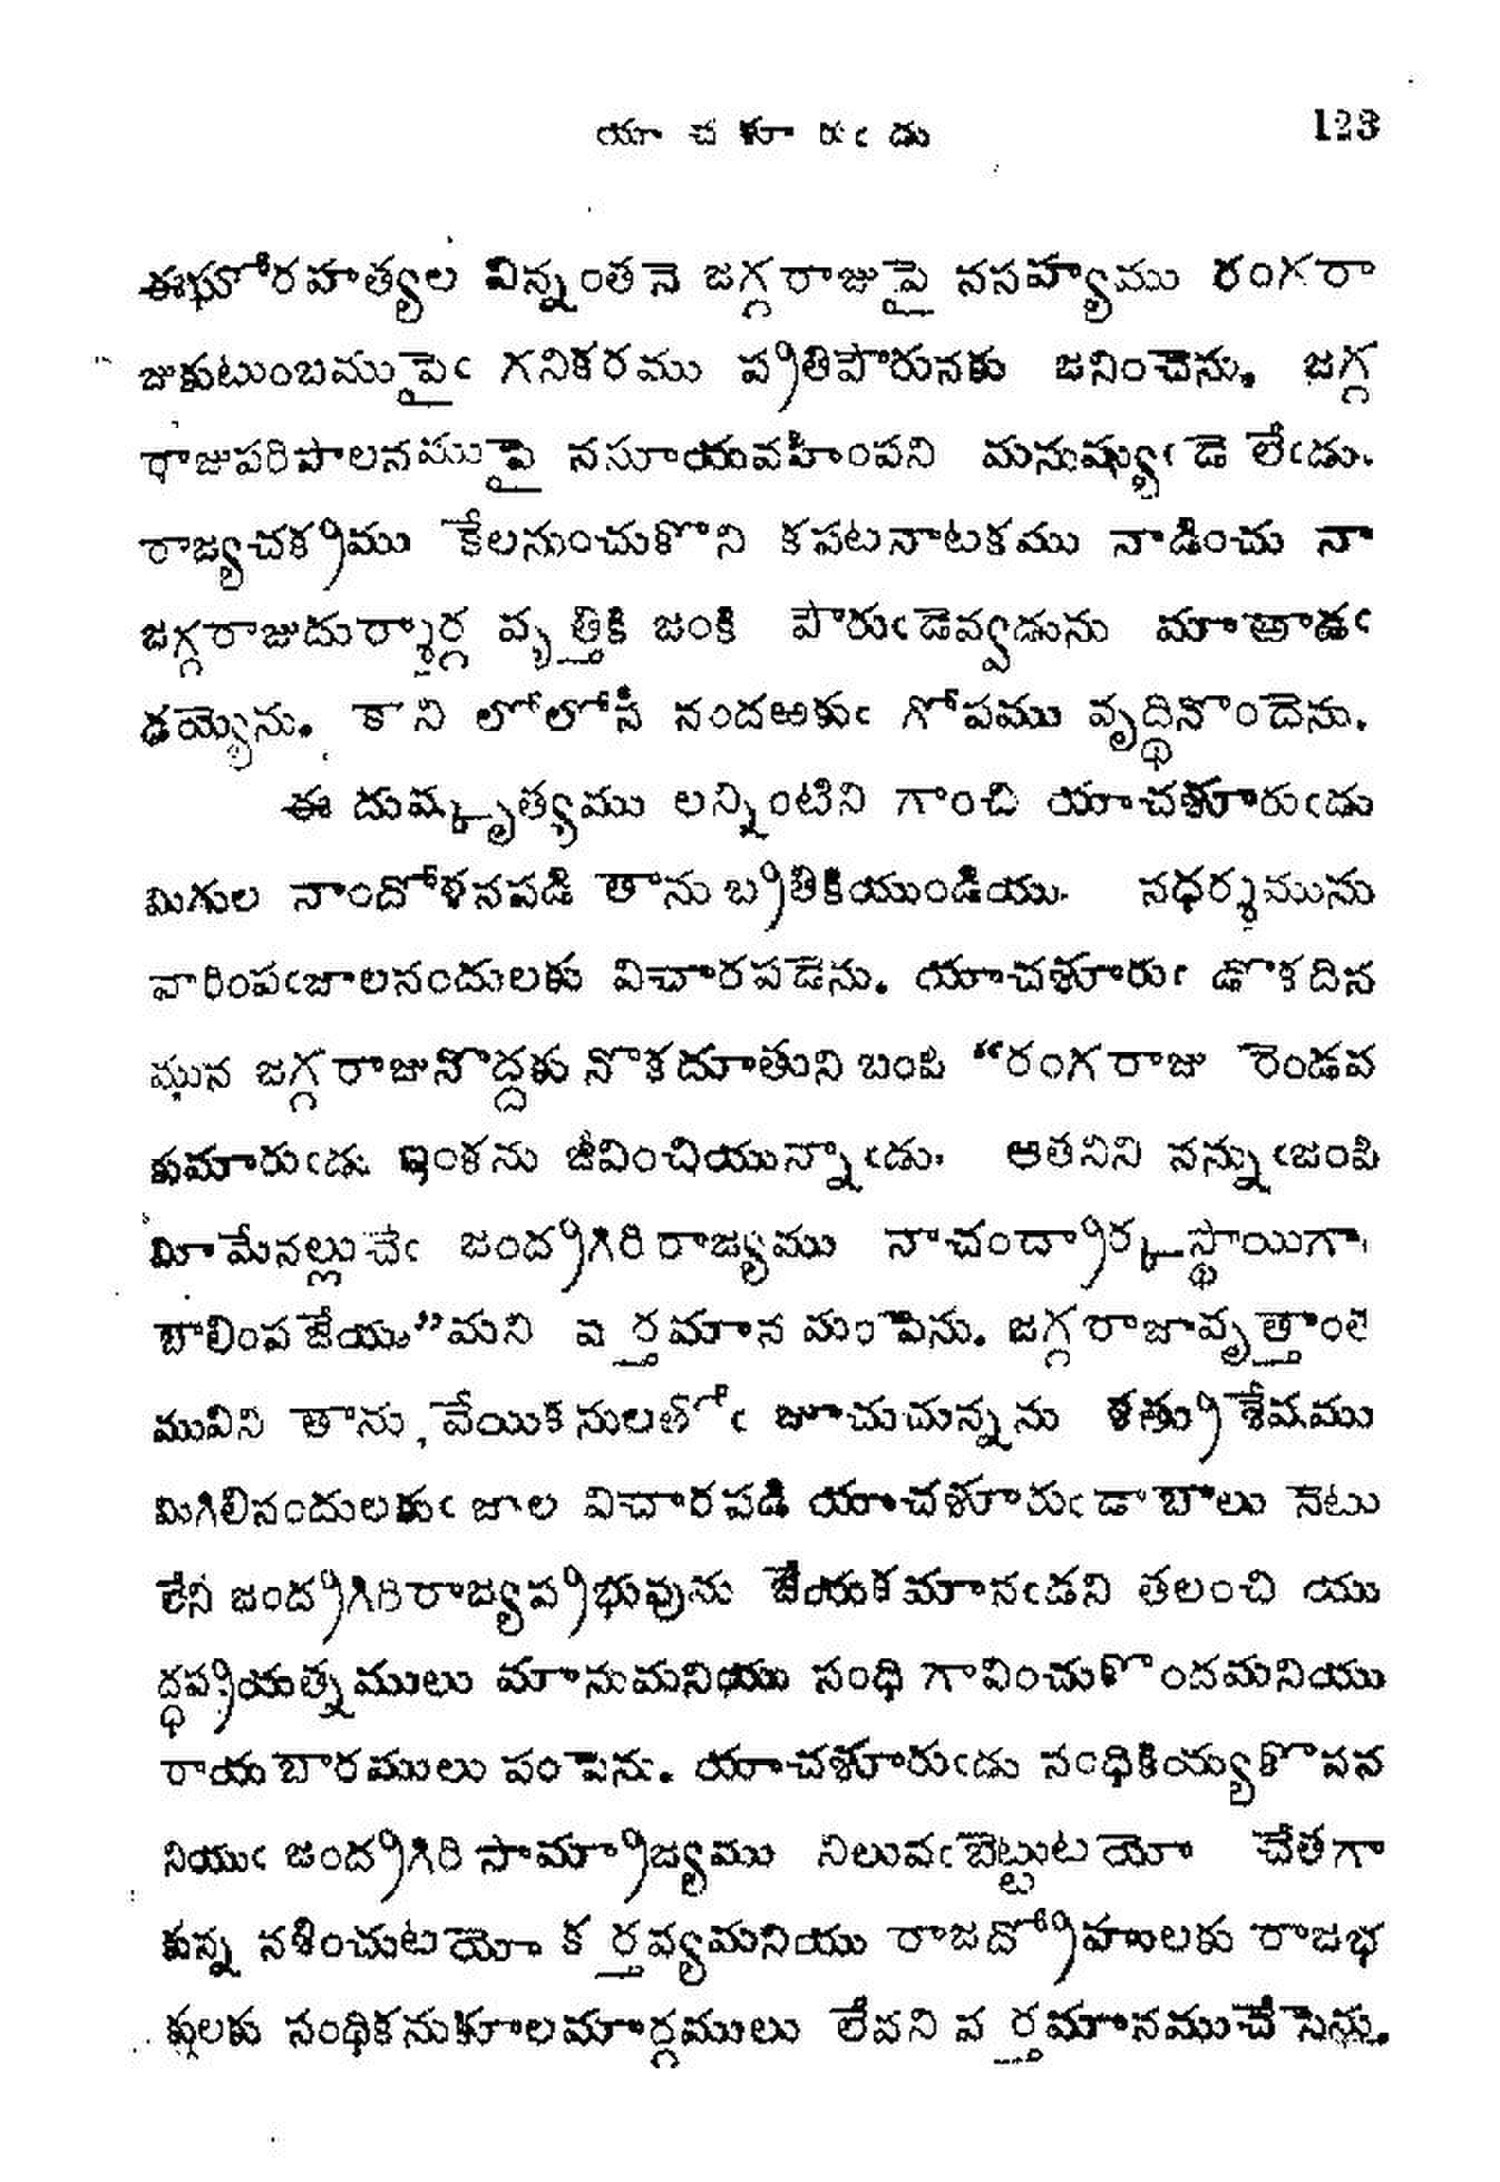ఈఘోరహత్యల విన్నంతనె జగ్గరాజుపై నసహ్యము రంగరాజుకుటుంబముపై గనికరము ప్రతిపౌరునకు జనించెను. జగ్గరాజుపరిపాలనముపై నసూయవహింపని మనుష్యుడె లేడు. రాజ్యచక్రము కేలనుంచుకొని కపటనాటకము నాడించు నా జగ్గరాజు దుర్మార్గ వృత్తికి జంకి పౌరుడెవ్వడును మాఱాడ డయ్యెను. కాని లోలోన నందఱకు గోపము వృద్ధినొందెను.

ఈ దుష్కృత్యము లన్నింటిని గాంచి యాచశూరుడు మిగుల నాందోళనపడి తాను బ్రతికియుండియు, నధర్మమును వారింపజాలనందులకు విచారపడెను. యాచశూరు డొకదినమున జగ్గరాజునొద్దకు నొకదూతని బంపి "రంగరాజు రెండవకుమారుడు ఇంకను జీవించియున్నాడు. ఆతనిని నన్ను జంపి మామేనల్లుచే జంద్రిగిరిరాజ్యము నాచంద్రార్కస్థాయిగా బాలింపజేయు"మని వర్తమాన మంపెను. జగ్గరాజావృత్తాంతమువిని తాను వేయికనులతో జూచుచున్నను శత్రుశేషము మిగిలినందులకు జాల విచారపడి యాచశూరు డాబాలు నెటులేని జంద్రగిరిరాజ్య ప్రభువును జేయకమానడని తలంచి యుద్ధప్రయత్నములు మానుమానియు సంధి గావించుకొందమనియు రాయబారములు పంపెను. యాచశూరుడు సంధికియ్యకొనననియు జంద్రగిరి సామ్రాజ్యము నిలువబెట్టుటయో చేతగాకున్న నశించుటయో కర్తవ్యమనియు రాజద్రోహులకు రాజభక్తులకు సంధికనుకూలమార్గములు లేవని వర్తమానము చేసెను.